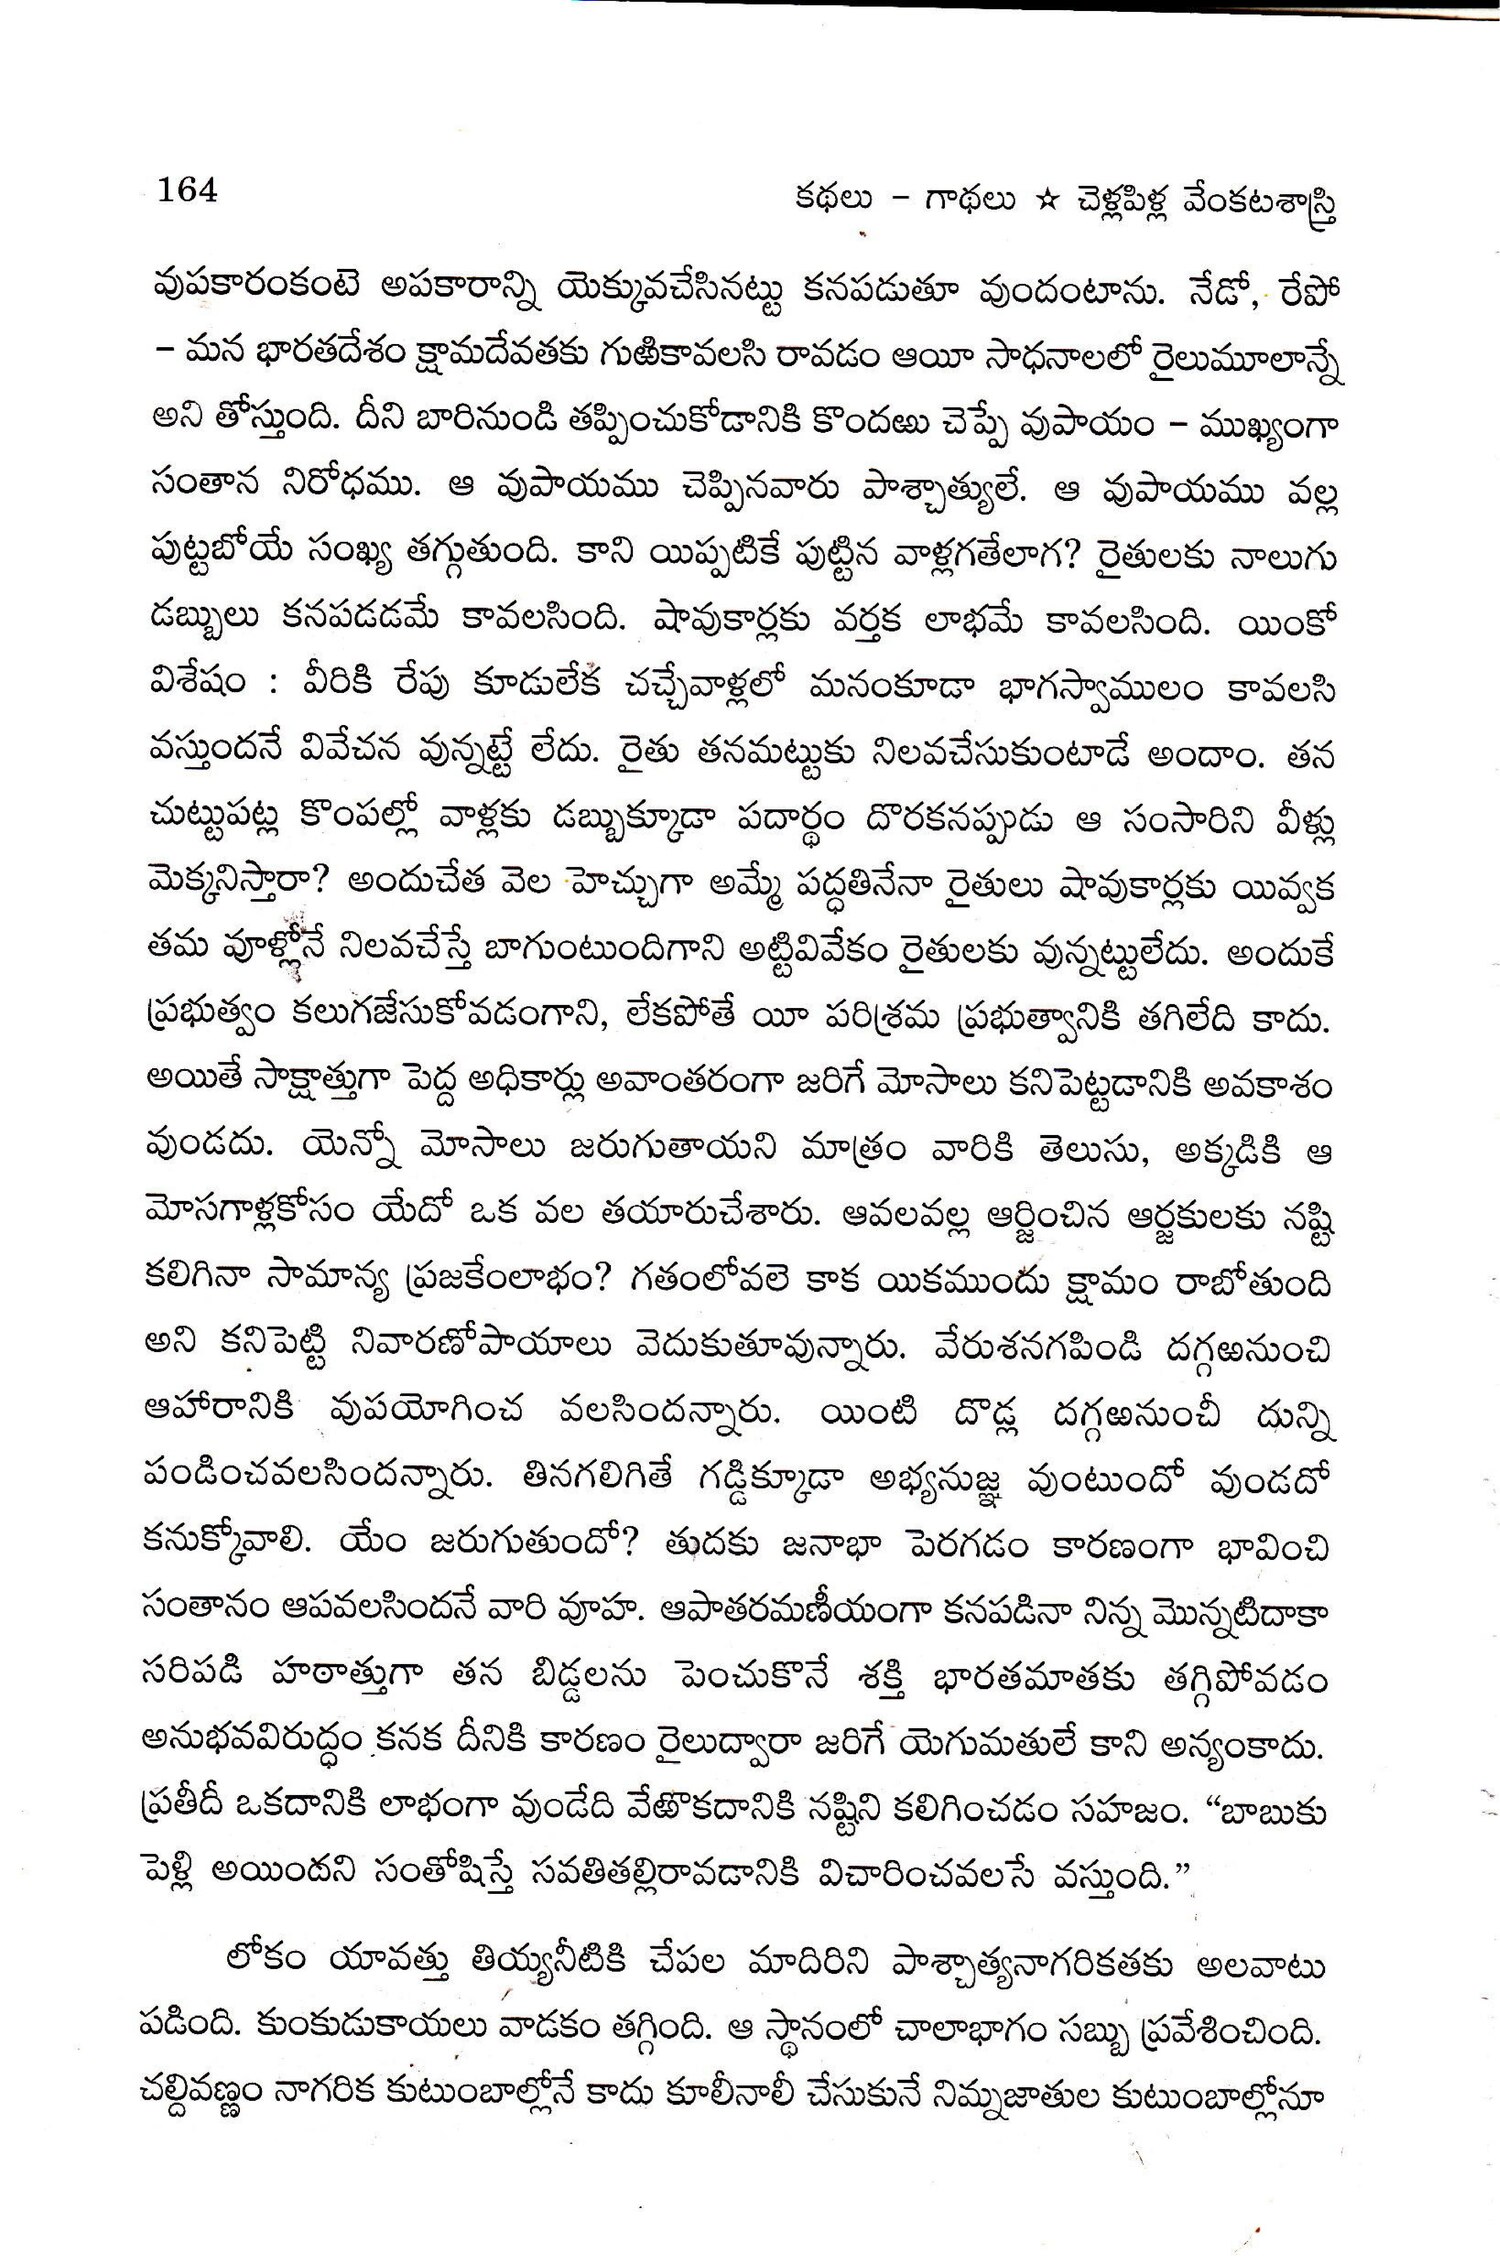వుపకారంకంటె అపకారాన్ని యెక్కువచేసినట్టు కనపడుతూ వుందంటాను. నేడో, రేపో - మన భారతదేశం క్షామదేవతకు గుఱికావలసి రావడం ఆయీ సాధనాలలో రైలుమూలాన్నే అని తోస్తుంది. దీని బారినుండి తప్పించుకోడానికి కొందఱు చెప్పే వుపాయం - ముఖ్యంగా సంతాన నిరోధము. ఆ వుపాయము చెప్పినవారు పాశ్చాత్యులే. ఆ వుపాయము వల్ల పుట్టబోయే సంఖ్య తగ్గుతుంది. కాని యిప్పటికే పుట్టిన వాళ్లగతేలాగ? రైతులకు నాలుగు డబ్బులు కనపడడమే కావలసింది. షావుకార్లకు వర్తక లాభమే కావలసింది. యింకో విశేషం : వీరికి రేపు కూడులేక చచ్చేవాళ్లలో మనంకూడా భాగస్వాములం కావలసి వస్తుందనే వివేచన వున్నట్టే లేదు. రైతు తనమట్టుకు నిలవచేసుకుంటాడే అందాం. తన చుట్టుపట్ల కొంపల్లో వాళ్లకు డబ్బుక్కూడా పదార్థం దొరకనప్పుడు ఆ సంసారిని వీళ్లు మెక్కనిస్తారా? అందుచేత వెల హెచ్చుగా అమ్మే పద్ధతినేనా రైతులు షావుకార్లకు యివ్వక తమ వూళ్లోనే నిలవచేస్తే బాగుంటుందిగాని అట్టివివేకం రైతులకు వున్నట్టులేదు. అందుకే ప్రభుత్వం కలుగజేసుకోవడంగాని, లేకపోతే యీ పరిశ్రమ ప్రభుత్వానికి తగిలేది కాదు. అయితే సాక్షాత్తుగా పెద్ద అధికార్లు అవాంతరంగా జరిగే మోసాలు కనిపెట్టడానికి అవకాశం వుండదు. యెన్నో మోసాలు జరుగుతాయని మాత్రం వారికి తెలుసు, అక్కడికి ఆ మోసగాళ్లకోసం యేదో ఒక వల తయారుచేశారు. ఆవలవల్ల ఆర్జించిన ఆర్జకులకు నష్టి కలిగినా సామాన్య ప్రజకేంలాభం? గతంలోవలె కాక యికముందు క్షామం రాబోతుంది అని కనిపెట్టి నివారణోపాయాలు వెదుకుతూవున్నారు. వేరుశనగపిండి దగ్గఱనుంచి ఆహారానికి వుపయోగించ వలసిందన్నారు. యింటి దొడ్ల దగ్గఱనుంచీ దున్ని పండించవలసిందన్నారు. తినగలిగితే గడ్డిక్కూడా అభ్యనుజ్ఞ వుంటుందో వుండదో కనుక్కోవాలి. యేం జరుగుతుందో? తుదకు జనాభా పెరగడం కారణంగా భావించి సంతానం ఆపవలసిందనే వారి వూహ. ఆపాతరమణీయంగా కనపడినా నిన్న మొన్నటిదాకా సరిపడి హఠాత్తుగా తన బిడ్డలను పెంచుకొనే శక్తి భారతమాతకు తగ్గిపోవడం అనుభవవిరుద్ధం కనక దీనికి కారణం రైలుద్వారా జరిగే యెగుమతులే కాని అన్యంకాదు. ప్రతీదీ ఒకదానికి లాభంగా వుండేది వేఱొకదానికి నష్టిని కలిగించడం సహజం. ‘బాబుకు పెళ్లి అయిందని సంతోషిస్తే సవతితల్లిరావడానికి విచారించవలసే వస్తుంది."

లోకం యావత్తు తియ్యనీటికి చేపల మాదిరిని పాశ్చాత్యనాగరికతకు అలవాటు పడింది. కుంకుడుకాయలు వాడకం తగ్గింది. ఆ స్థానంలో చాలాభాగం సబ్బు ప్రవేశించింది. చల్దివణ్ణం నాగరిక కుటుంబాల్లోనే కాదు కూలీనాలీ చేసుకునే నిమ్నజాతుల కుటుంబాల్లోనూ